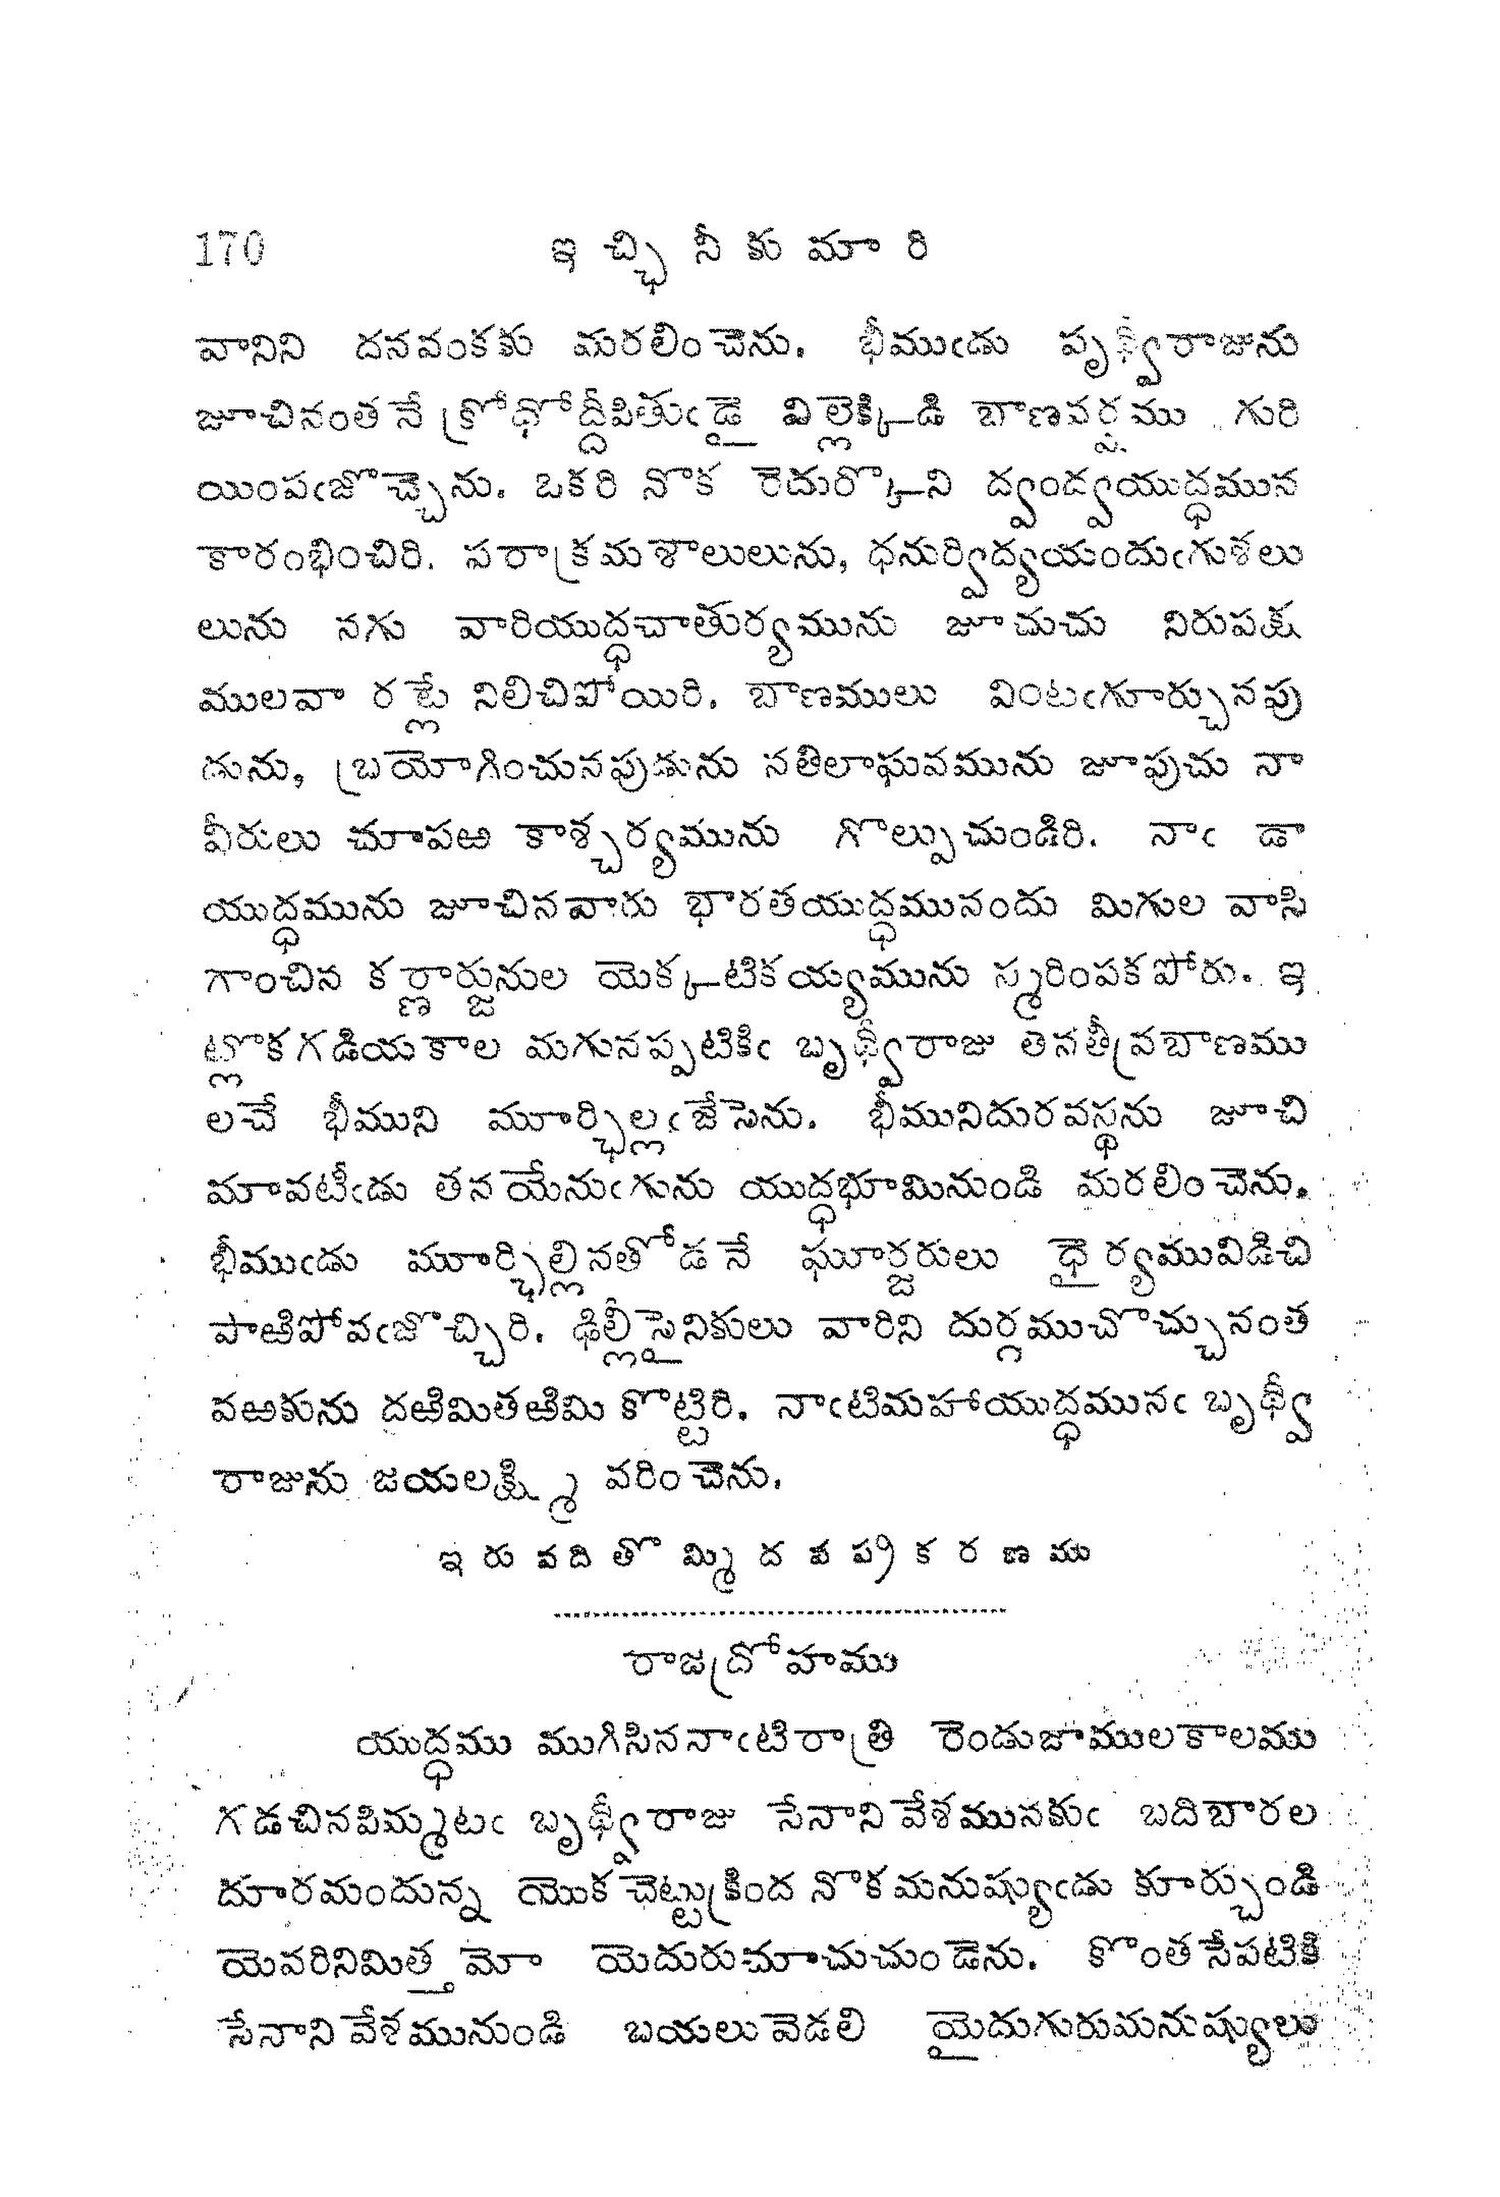వానిని దనవంకకు మరలించెను. భీముఁడు వృద్వీరాజును
జూచినంత నే క్రోధోద్దీపితుఁడై విల్లెక్కిడి బాణవర్షము , గురి
యింపఁ జొచ్చెను. ఒకరి నొక రెదుర్కొని ద్వంద్వయుద్ధమున
కారంభించిరి. పరాక్రమశాలులును, ధనుర్విద్యయందుఁగుళలు
లును నగు వారి యుద్ధ చాతుర్యమును జూచుచు నిరుపు
ములవా రట్లే నిలిచిపోయిరి. బాణములు వింటఁ గూర్చునపు
డును, బ్రయోగించునపుడును న తిలాఘనమును జూపుచు నా
వీరులు చూపటి కాశ్చర్యమును గొల్పుచుండిరి. నాఁ డా
యుద్ధమును జూచిన వారు భారత యుద్ధమునందు మిగుల వాసి
గాంచిన కర్ణార్జునుల యెక్కటి కయ్యమును స్మరింపక పోరు.. ఇ
ట్లొక గడియకాల మగునప్పటికీఁ బృద్వీరాజు తన తీవ్ర బాణము
లచే భీముని మూర్ఛిల్లఁ జేసెను. భీమునిదుర వస్థను జూచి
మావటీఁడు తన యేనుఁగును యుద్ధభూమినుండి మరలించెను.
భీముఁడు మూర్చిల్లి నతోడ నే ఘూర్జరులు ధైర్యము విడిచి
పారి పోవఁజొచ్చిరి. ఢిల్లీ సైనికులు వారిని దుర్గముచొచ్చునంత
వఱకును దఱిమితరిమి కొట్టిరి. నాఁటిమహాయుద్ధమునఁ బృథ్వీ
రాజును జయలక్ష్మి వరించెను, 

యుద్ధము ముగిసిన నాఁటి
రాత్రి రెండుజాముల కాలము
గడచిన పిమ్మటఁ బృథ్వీరాజు సేనాని వేశమునకుఁ బది బారల
దూరమందున్న యొక చెట్టు క్రింద నొక మనుష్యుఁడు కూర్చుండి
యెవరి నిమిత్తమో యెదురు చూచుచుండెను. కొంత సేపటికి
సేనాని వేశమునుండి బయలు వెడలి యైదుగురు మనుష్యులు